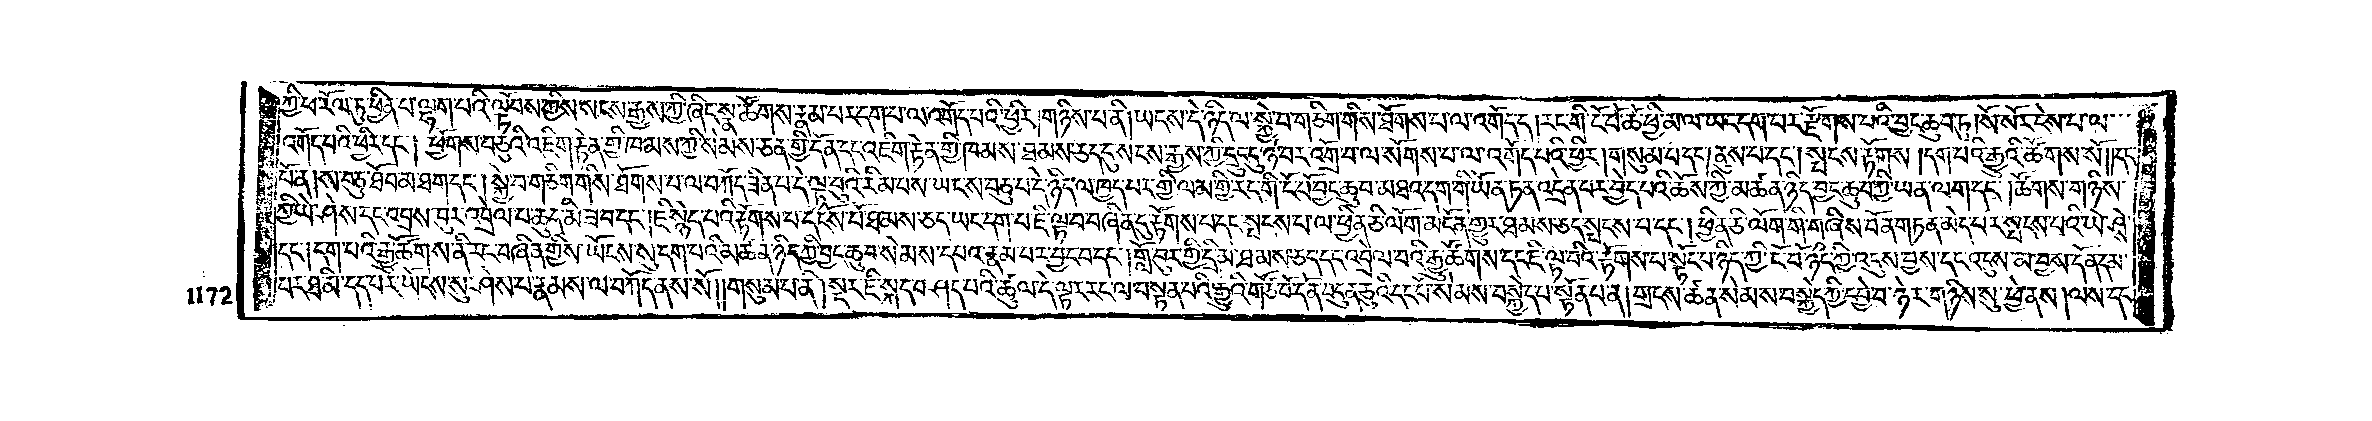ཀྱི་ཕ་རོལ་ཏུ་ཕྱིན་པ་ལྷག་པའི་ལྟོབས་ཀྱིས་སངས་རྒྱས་ཀྱི་ཞིང་སྣ་ཚོགས་རྣམ་པར་དག་པ་འགོད་པའི་ཕྱིར། གཉིས་པ་ནི། ཡང་དེ་ཉིད་ལ་སྐྱེ་བ་གཅིག་གིས་ཐོགས་པ་ལ་འགོད་དེ། རང་གི་ངོ་བོ་ཚོ་ཕྱི་མ་ལ་ཡང་དག་པར་རྫོགས་པའི་བྱང་ཆུབ་ཏུ། སོ་སོར་ངེས་པ་ལ་
འགོད་པའི་ཕྱིར་དང་། ཕྱོགས་བཅུའི་འཇིག་རྟེན་གྱི་ཁམས་ཀྱི་སེམས་ཅན་གྱི་དོན་དང་འཇིག་རྟེན་གྱི་ཁས་ཐམས་ཅད་དུ་སངས་རྒཡས་ཀྱི་དྲུག་དུ་ནེཡ་བར་འགྲོ་བ་ལ་སོགས་པ་ལ་འགོད་པའི་ཕྱིར། གསུམ་པ་དང་། ནུས་པ་དང་། སྤངས་རྟོགས། དག་པའི་རྒྱུའི་ཚོགས་སོ། །དང་
པོ་ན། ས་བཅུ་ཐོབ་མ་ཐག་དང་། སྐྱེ་བ་གཅིག་གིས་ཐོགས་པ་ལ་བཀོད་ཞིན་པ་དེ་ལྟ་བུའི་རིམ་པས་ཡང་ས་བཅུ་པ་དེ་ཉིད་ལ་ཁྱད་པར་གྱི་ལམ་གྱི་རང་གི་ངོ་བོ་བྱང་ཆུབ་མཐའ་དག་གི་ཡོན་ཏན་འདྲེན་པར་བྱེད་པའི་ཆོས་ཀྱི་མཚན་ཉིད་བྱང་ཆུབ་ཀྱི་ཡན་ལག་དང་། ཚོགས་གཉིས་
ཀྱི་ཡེ་ཤེས་དྣག་འབྲས་བུར་འབྲེལ་པ་ཆུང་མི་ཟབ་དང་། ཇི་སྙེད་པའི་རྟོགས་པ་དངོས་པོ་ཐམས་ཅད་ཡང་དག་པ་ཇི་ལྟ་བ་བཞིན་དུ་རྟོགས་པ་དང་སྤངས་པ་ལ་ཕྱིན་ཅི་ལོག་མངོན་གྱུར་ཐམས་ཅད་སྤངས་པ་དང་། ཕྱིན་ཅི་ལོག་གི་གཞིས་བོན་གཏན་མེད་པར་སྤངས་པའི་ཡེས་ཤེས་
དང་། དག་པའི་རྒྱུ་ཚོགས་ནི་རང་བཞིན་གྱིས་ཡོངས་སུ་དག་པའི་མཚན་ཉིད་ཀྱི་བྱང་ཆུབ་སེམས་དཔའི་རྣམ་པར་བྱང་བ་དང་། གློ་བུར་གྱི་དྲི་མ་ཐམས་ཅད་དང་འབྲེལ་བའི་རྒྱུ་ཚོགས་དང་ཇི་ལྟ་བའི་རྟོགས་པ་སྟོང་པ་ཉིད་ཀྱི་ངོ་བོ་ཉིད་ཀྱི་འདུས་བྱས་དང་འདུས་མ་བྱས་དོན་དམ་
པར་ཐ་མི་དད་པར་ཡོངས་སུ་ཤེས་པ་རྣམས་ལ་བཀོད་ནས་སོ། །གསུམ་པ་ནི། སྔར་ཇི་སྐད་བཤད་པའི་ཚུལ་དེ་ལྟར་རང་ལ་བསྟན་པའི་རྒྱུའི་གཙོ་བོ་དོན་བདུན་ཅུའི་དང་པོ་སེམས་བསྐྱེད་པ་སྟོན་པ་ན། གྲང་ཚན་སེམས་བསྐྱེད་ཀྱི་དབྱེ་བ་ཉེར་གཉིས་སུ་ཕྱེ་ནས། ལས་དང་